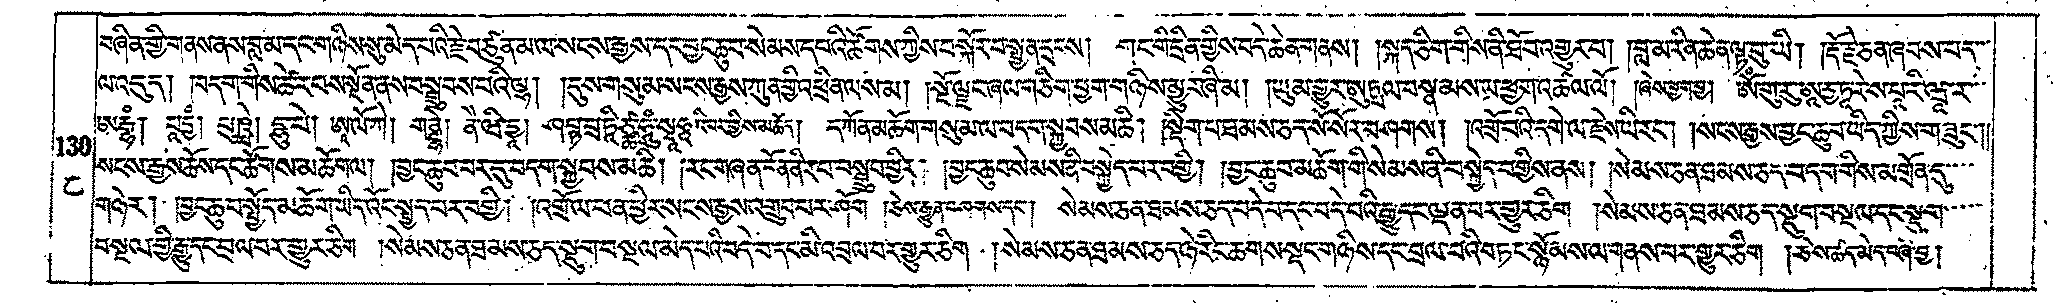བཞིན་གྱི་གནས་ནས་བླ་མ་དང་གཉིས་སུ་མེད་པའི་རྗེ་བཙུན་མ་ལ་སངས་རྒྱས་དང་བྱང་ཆུབ་སེམས་དཔའི་ཚོགས་ཀྱིས་བསྐོར་བ་སྤྱན་དྲངས། གང་གི་དྲིན་གྱིས་བདེ་ཆེན་གནས། །སྐད་ཅིག་གིས་ནི་ཐོབ་འགྱུར་བ། །བླ་མ་རིན་ཆེན་ལྟ་བུ་ཡི། །རྡོ་རྗེ་ཅན་ཞབས་པད་་་
ལ་འདུད། །བདག་གིས་ཚེ་རབས་སྔོན་ནས་བསྒྲུབས་པའི་ལྷ། །དུས་གསུམ་སངས་རྒྱས་ཀུན་གྱི་འཕྲིན་ལས་མ། །སྔོ་ལྗང་ཞལ་གཅིག་ཕྱག་གཉིས་མྱུར་ཞི་མ། །ཡུམ་གྱུར་ཨུཏྤལ་བསྣམས་ལ་ཕྱག་འཚལ་ལོ། །ཞེས་ཕྱག་བྱ།  ཨོཾ་གུ་རུ་ཨཱརྱ་ཏཱ་རེ་ས་པཱ་རི་ཝཱ་ར་་་
ཨརྒྷཾ། པཱདྱཾ། པུཥྤེ། དྷུ་པེ། ཨཱ་ལོ་ཀེ། གདྷེ། ནཻ་ཝི་དྱཱ། ཥཔྟ་པྲ་ཏཱི་ཙྪ་ཧཱུཾ་སྭཱཧཱའི་བར་གྱིས་མཆོད། དཀོན་མཆོག་གསུམ་ལ་བདག་སྐྱབས་མཆི། །སྡིག་པ་ཐམས་ཅད་སོ་སོར་བཤགས། །འགྲོ་བའི་དགེ་ལ་རྗེས་ཡི་རང་། །སངས་རྒྱས་བྱང་ཆུབ་ཡིད་ཀྱིས་གཟུང།།
སངས་རྒྱས་ཆོས་དང་ཚོགས་མཆོག་ལ། །བྱང་ཆུབ་བར་དུ་བདག་སྐྱབས་མཆི། །རང་གཞན་དོན་ནི་རབ་བསྒྲུབ་ཕྱིར། །བྱང་ཆུབ་སེམས་ནི་བསྐྱེད་པར་བགྱི། །བྱང་ཆུབ་མཆོག་གི་སེམས་ནི་བསྐྱེད་བགྱིས་ནས། །སེམས་ཅན་ཐམས་ཅད་བདག་གིས་མགྲོན་དུ་་་
གཉེར། །བྱང་ཆུབ་སྤྱོད་མཆོག་ཡིད་འོང་སྤྱད་པར་བགྱི། །འགྲོ་ལ་ཕན་ཕྱིར་སངས་རྒྱས་འགྲུབ་པར་ཤོག་།ཅེས་རྒྱུན་བཤགས་དང་།  སེམས་ཅན་ཐམས་ཅད་བདེ་བ་དང་བདེ་བའི་རྒྱུ་དང་ལྡན་པར་གྱུར་ཅིག །སེམས་ཅན་ཐམས་ཅད་སྡུག་བསྔལ་དང་སྡུག་་་
བསྔལ་གྱི་རྒྱུ་དང་བྲལ་བར་གྱུར་ཅིག །སེམས་ཅན་ཐམས་ཅད་སྡུག་བསྔལ་མེད་པའི་བདེ་བ་དང་མི་འབྲལ་བར་གྱུར་ཅིག །སེམས་ཅན་ཐམས་ཅད་ཉེ་རིང་ཆགས་སྡང་གཉིས་དང་བྲལ་བའི་བཏང་སྙོམས་ལ་གནས་པར་གྱུར་ཅིག་།ཅེས་ཚད་མེད་བཞི་བྱ།